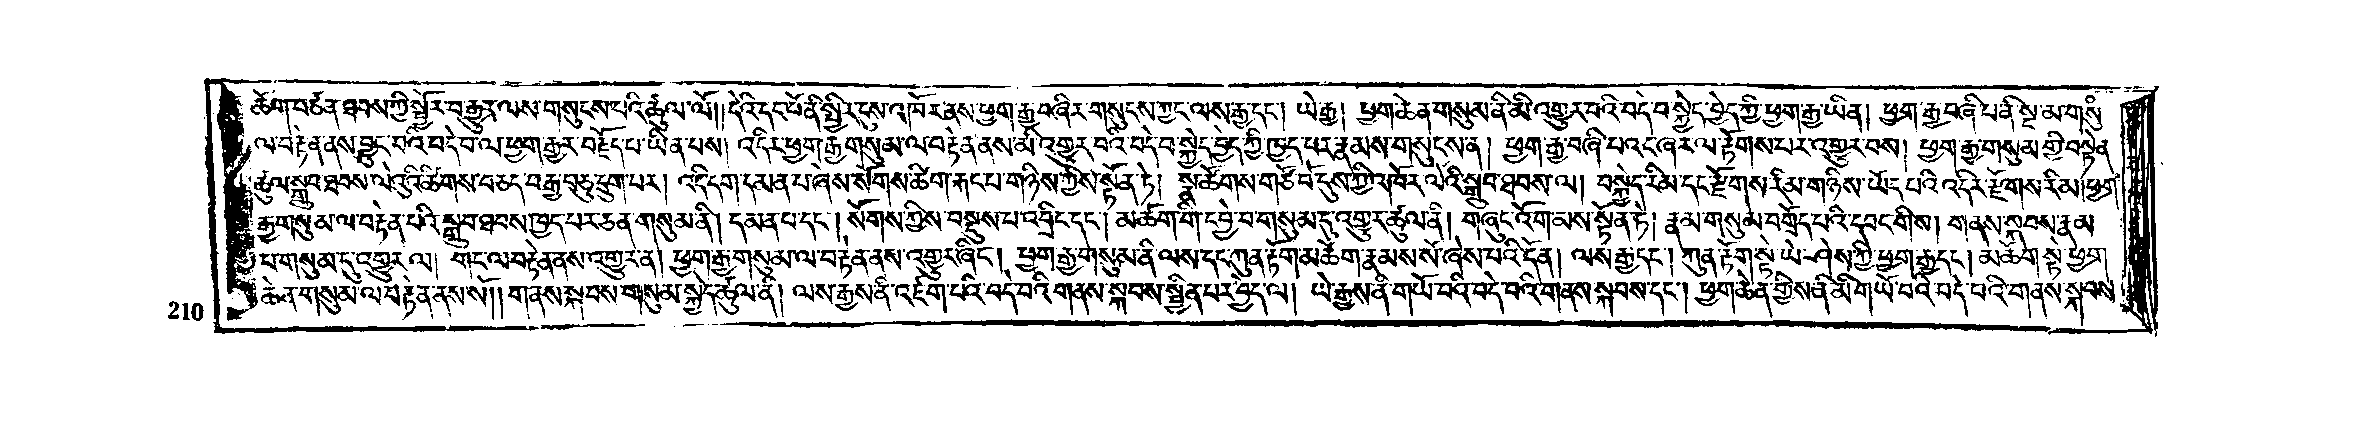ཆོག་བཙན་ཐབས་ཀྱི་སྦྱོར་བ་རྒྱུད་ལས་གསུངས་པའི་ཚུལ་ལོ། །དེའི་དང་པོ་ནི་སྤྱིར་དུས་འཁོར་ནས་ཕྱག་རྒྱ་བཞིར་གསུངས་ཀྱང་ལས་རྒྱ་དང་། ཡེ་རྒྱ། ཕྱག་ཆེན་གསུམ་ནི་མི་འགྱུར་བའི་བདེ་བ་སྐྱེད་བྱེད་ཀྱི་ཕྱག་རྒྱ་ཡིན། ཕྱག་རྒྱ་བཞི་པ་ནི་སྔ་མ་གསུམ་
ལ་བརྟེན་ནས་བྱུང་བའི་བདེ་བ་ལ་ཕྱག་རྒྱར་བརྗོད་པ་ཡིན་པས། འདིར་ཕྱག་རྒྱ་གསུམ་ལ་བརྟེན་ནས་མི་འགྱུར་བའི་བདེ་བ་སྐྱེད་བྱེད་ཀྱི་ཁྱད་པར་རྣམས་གསུངས་ན། ཕྱག་རྒྱ་བཞི་པའང་ཞར་ལ་རྟོགས་པར་འགྱུར་བས། ཕྱག་རྒྱ་གསུམ་གྱི་བསྟེན་
ཚུལ་སྒྲུབ་ཐབས་ལེའུའི་ཚིགས་བཅད་བརྒྱ་བཅུ་དྲུག་པར། འདི་དག་དམན་པ་ཞེས་སོགས་ཚིག་རྐང་པ་གཉིས་ཀྱིས་སྟོན་ཏེ། སྣ་ཚོགས་གཙོ་བོ་དུས་ཀྱི་འཁོར་ལོའི་སྒྲུབ་ཐབས་ལ། བསྐྱེད་རིམ་དང་རྫོགས་རིམ་གཉིས་ཡོད་པའི་འདིར་རྫོགས་རིམ། ཕྱག་
རྒྱ་གསུམ་ལ་བརྟེན་པའི་སྒྲུབ་ཐབས་ཁྱད་པར་ཅན་གསུམ་ནི། དམན་པ་དང་། སོགས་ཀྱིས་བསྡུས་པ་འབྲིང་དང་། མཆོག་གི་དབྱེ་བ་གསུམ་དུ་འགྱུར་ཚུལ་ནི། གཞུང་འོག་མས་སྟོན་ཏེ། རྣམ་གསུམ་བགྲོད་པའི་དང་གིས། གནས་སྐབས་རྣམ་
པ་གསུམ་དུ་འགྱུར་ལ། གང་ལ་བརྟེན་ནས་འགྱུར་ན། ཕྱག་རྒྱ་གསུམ་ལ་བརྟེན་ནས་འགྱུར་ཞིང་། ཕྱག་རྒྱ་གསུམ་ནི་ལས་དང་ཀུན་རྟོག་མཆོག་རྣམས་སོ་ཞེས་པའི་དོན། ལས་རྒྱ་དང་། ཀུན་རྟོག་སྟེ་ཡེ་ཤེས་ཀྱི་ཕྱག་རྒྱ་དང་། མཆོག་སྟེ་ཕྱག་
ཆེན་གསུམ་ལ་བརྟེན་ནས་སོ། །གནས་སྐབས་གསུམ་སྐྱེད་ཚུལ་ནི། ལས་རྒྱས་ནི་འཛག་པའི་བདེ་བའི་གནས་སྐབས་སྦྱིན་པར་བྱེད་ལ། ཡེ་རྒྱས་ནི་གཡོ་བའི་བདེ་བའི་གནས་སྐབས་དང་། ཕྱག་ཆེན་གྱིས་ནི་མི་གཡོ་བའི་བདེ་བའི་གནས་སྐབས་